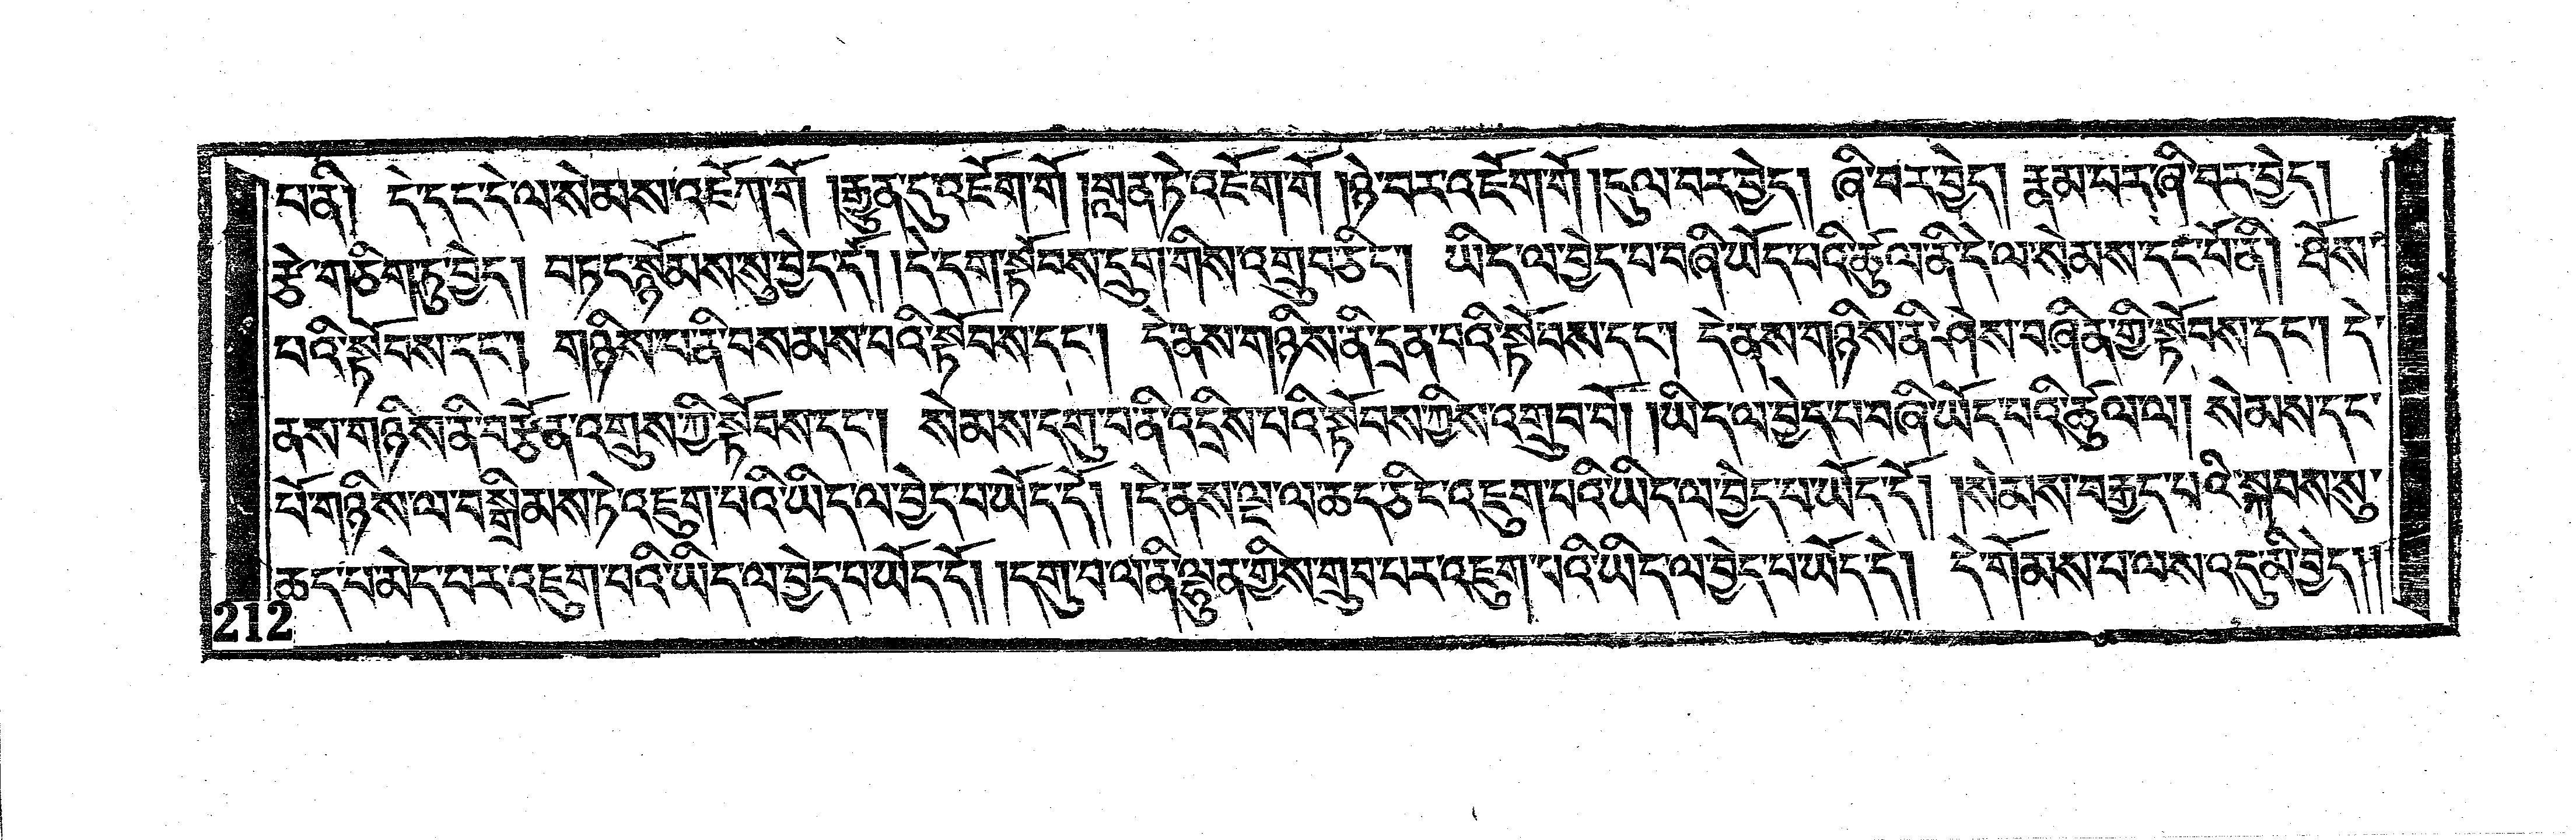པ་ནི། དེ་དང་དེ་ལ་སེམས་འཇོག་གོ །རྒྱུན་དུ་འཇོག་གོ །གླན་ཏེ་འཇོག་གོ །ཉེ་བར་འཇོག་གོ །དུལ་བར་བྱེད། ཞི་བར་བྱེད། རྣམ་པར་ཞི་བར་བྱེད།
རྩེ་གཅིག་ཏུ་བྱེད། བཏང་སྙོམས་སུ་བྱེད་དོ། །དེ་དག་སྟོབས་དྲུག་གིས་འགྲུབ་ཅིང་། ཡིད་ལ་བྱེད་པ་བཞི་ཡོད་པའི་ཚུལ་ནི་དེ་ལ་སེམས་དང་པོ་ནི། ཐོས་
པའི་སྟོབས་དང་། གཉིས་པ་ནི་བསམས་པའི་སྟོབས་དང་། དེ་ནས་གཉིས་ནི་དྲན་པའི་སྟོབས་དང་། དེ་ནས་གཉིས་ནི་ཤེས་བཞིན་གྱི་སྟོབས་དང་། དེ་
ནས་གཉིས་ནི་བརྩོན་འགྲུས་ཀྱི་སྟོབས་དང་། སེམས་དགུ་པ་ནི་འདྲིས་པའི་སྟོབས་ཀྱིས་འགྲུབ་བོ། །ཡིད་ལ་བྱེད་པ་བཞི་ཡོད་པའི་ཚུལ་ལ། སེམས་དང་
པོ་གཉིས་ལ་བསྒྲིམས་ཏེ་འཇུག་པའི་ཡིད་ལ་བྱེད་པ་ཡོད་དོ། །དེ་ནས་ལྔ་ལ་ཆད་ཅིང་འཇུག་པའི་ཡིད་ལ་བྱེད་པ་ཡོད་དོ། །སེམས་བརྒྱད་པ་ལ་སྐབས་སུ་
ཆད་པ་མེད་པར་འཇུག་པའི་ཡིད་ལ་བྱེད་པ་ཡོད་དོ། །དགུ་པ་ལ་ནི་ལྷུན་གྱིས་གྲུབ་པར་འཇུག་པའི་ཡིད་ལ་བྱེད་པ་ཡོད་དེ། དེ་གོམས་པ་ལས་འདུ་མེ་བྱེད། །